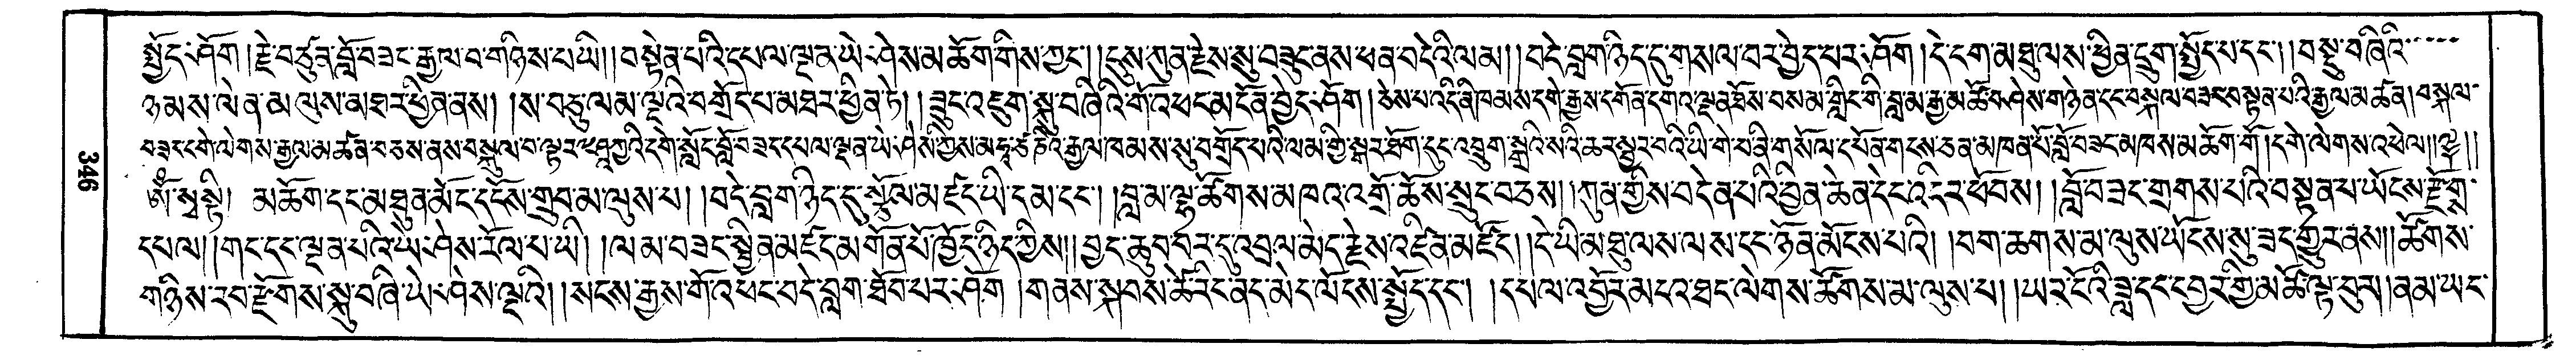སྤྱོད་ཤོག །རྗེ་བཙུན་བློ་བཟང་རྒྱལ་བ་གཉིས་པ་ཡི། །བསྟན་པའི་དཔལ་ལྡན་ཡེ་ཤེས་མཆོག་གིས་ཀྱང་། །དུས་ཀུན་རྗེས་སུ་བཟུང་ནས་ཕན་བདེའི་ལམ། །བདེ་བླག་ཉིད་དུ་གསལ་བར་བྱེད་པར་ཤོག །དེ་དག་མཐུ་ལས་ཕྱིན་དྲུག་སྤྱོད་པ་དང་། །བསྡུ་བཞིའི་
ཉམས་ལེན་མ་ལུས་མཐར་ཕྱིན་ནས། །ས་བཅུ་ལམ་ལྔའི་བགྲོད་པ་མཐར་ཕྱིན་ཏེ། །ཟུང་འཇུག་སྐུ་བཞིའི་གོ་འཕང་མངོན་བྱེད་ཤོག །ཅེས་པ་འདི་ནི་ཁམས་དགེ་རྒྱས་དགོན་དགའ་ལྡན་ཐོས་བསམ་གླིང་གི་བླ་མ་རྒྱ་མཚོ་བཤེས་གཉེན་དང་བསྐལ་བཟང་བསྟན་པའི་རྒྱལ་མཚན། བསྐལ་
བཟང་དགེ་ལེགས་རྒྱལ་མཆིན་བཅས་ནས་བསྐུལ་བ་ལྟར ༧ཤཱཀྱའི་དགེ་སློང་བློ་བཟང་དཔལ་ལྡན་ཡེ་ཤེས་ཀྱིས་མཏཱ་ཙི་ཎཱི་རྒྱལ་ཁམས་སུ་བགྲོད་པའི་ལམ་གྱི་སྒར་ཐོག་དུང་འབྲུག་སྒྲའི་སའི་ཆར་སྦྱར་བའི་ཡི་གེ་བ་ནི་གསོལ་དཔོན་གངས་ཅན་མཁན་པོ་བློ་བཟང་མཁས་མཆོག་གོ །དགེ་ལེགས་འཕེལ།། ༈ །།
ཨོཾ་སྭསྟི། མཆོག་དང་མཐུན་མོང་དངོས་གྲུབ་མ་ལུས་པ། །བདེ་བླག་ཉིད་དུ་སྩོལ་མཛད་ཡི་དམ་དང་། །བླ་མ་ལྷ་ཚོགས་མཁའ་འགྲོ་ཆོས་སྲུང་བཅས། །ཀུན་གྱིས་བདེན་པའི་བྱིན་ཆེན་དེང་འདིར་ཕོབས། །བློ་བཟང་གྲགས་པའི་བསྟན་པ་ཡོངས་རྫོགས་
དཔལ། །གང་དང་ལྡན་པའི་ཡེ་ཤེས་རོལ་པ་ཡི། །ལམ་བཟང་སྦྱིན་མཛད་མགོན་པོ་ཁྱོད་ཉིད་ཀྱིས། །བྱང་ཆུབ་བར་དུ་འབྲལ་མེད་རྗེས་འཛིན་མཛོད། །དེ་ཡི་མཐུ་ལས་ལས་དང་ཉོན་མོངས་པའི། །བག་ཆགས་མ་ལུས་ཡོངས་སུ་ཟད་གྱུར་ནས། །ཚོགས་
གཉིས་རབ་རྫོགས་སྐུ་བཞི་ཡེ་ཤེས་ལྔའི། །སངས་རྒྱས་གོ་འཕང་བདེ་བླག་ཐོབ་པར་ཤོག །གནས་སྐབས་ཚེ་རིང་ནད་མེད་ལོངས་སྤྱོད་དང་། །དཔལ་འབྱོར་མངའ་ཐང་ལེགས་ཚོགས་མ་ལུས་པ། །ཡར་ངོའི་ཟླ་དང་དབྱར་གྱི་མཚོ་ལྟ་བུར། །ནམ་ཡང་